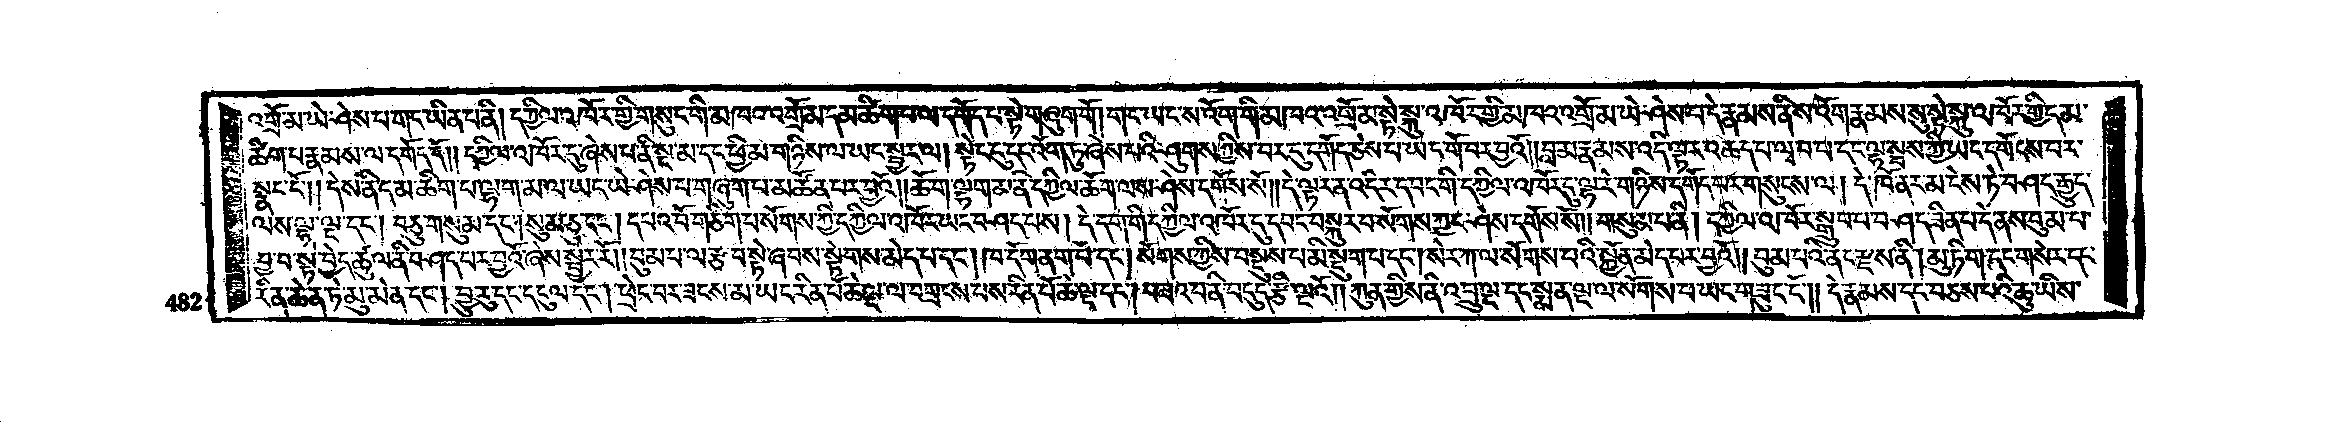འགྲོ་མ་ཡེ་ཤེས་པ་གང་ཡིན་པ་ནི། དཀྱིལ་འཁོར་གྱི་གསུང་གི་མཁའ་འགྲོ་མ་དམ་ཚིག་པ་ལ་དགོད་པ་སྟེ་གཞུག་གོ །གང་ཡང་ས་འོག་གི་མཁའ་འགྲོ་མ་སྟེ་སྐུ་འཁོར་གྱི་མཁའ་འགྲོ་མ་ཡེ་ཤེས་པ་དེ་རྣམས་ནི་ས་འོག་རྣམས་སུ་སྟེ་སྐུ་འཁོར་གྱི་དམ་
ཚིག་པ་རྣམས་ལ་དགོད་དོ། །དཀྱིལ་འཁོར་དུ་ཞེས་པ་ནི་སྔ་མ་དང་ཕྱི་མ་གཉིས་ལ་ཡང་སྦྱར་ལ། སྟེང་དུ་དང་འོག་ཏུ་ཞེས་པའི་ཤུགས་ཀྱིས་བར་དུ་དགོད་ཅེས་པ་ཡང་གོ་བར་བྱའོ། །བླ་མ་རྣམས་འདི་ལྟར་འཆད་པ་ལྭ་བ་པ་དང་ལྷ་སྦས་ཀྱི་ཡང་དགོངས་པར་
སྣང་ངོ། །དེས་ནི་དམ་ཚིག་པ་ལྷག་མ་ལ་ཡང་ཡེ་ཤེས་པ་གཞུག་པ་མཚོན་པར་བྱའོ། །ཆོ་ག་ལྷག་མ་ནི་དཀྱིལ་ཆོག་ལས་ཤེས་དགོས་སོ། །དེ་ལྟར་ན་འདིར་དབང་གི་དཀྱིལ་འཁོར་དུ་ལྷ་རེ་གཉིས་དགོད་པར་གསུངས་ལ། དེ་ཁོ་ནར་མ་ངེས་ཏེ་བཤད་རྒྱུད་
ལས་ལྷ་ལྔ་དང་། བཅུ་གསུམ་དང་། སུམ་ཅུ་དང་། དཔའ་བོ་གཅིག་པ་སོགས་ཀྱི་དཀྱིལ་འཁོར་ཡང་བཤད་པས། དེ་དག་གི་དཀྱིལ་འཁོར་དུ་དབང་བསྐུར་བ་སོགས་ཀྱང་ཤེས་དགོས་སོ། །གསུམ་པ་ནི། དཀྱིལ་འཁོར་སྒྲུབ་པ་བཤད་ཟིན་པ་དེ་ནས་བུམ་པ་
བྱ་བ་སྟེ་བྱེད་ཚུལ་ནི་བཤད་པར་བྱའོ་ཞེས་སྦྱར་རོ། །བུམ་པ་ལ་རྩ་བ་སྟེ་ཞབས་སྟེགས་མེད་པ་དང་། ཁ་དོག་ནག་པོ་དང་། སོགས་ཀྱིས་བསྡུས་པ་མི་སྡུག་པ་དང་། སེར་ཀ་ལ་སོགས་པའི་སྐྱོན་མེད་པར་བྱའོ། །བུམ་པའི་ནང་རྫས་ནི། མུ་ཏིག་དང་གསེར་དང་
རིན་ཆེན་ཏེ་མུ་མེན་དང་། བྱུ་རུ་དང་དངུལ་དང་། ཕྲེང་བར་ཟངས་མ་ཡང་རིན་པོ་ཆེ་ལྔ་ལ་བགྲངས་པས་རིན་པོ་ཆེ་ལྔ་དང་། བཟའ་བ་ནི་བདུད་རྩི་ལྔའོ། །ཀུན་གྱིས་ནི་འབྲུ་ལྔ་དང་སྨན་ལྔ་ལ་སོགས་པ་ཡང་གཟུང་ངོ། །དེ་རྣམས་དང་བཅས་པའི་ཆུ་ཡིས་